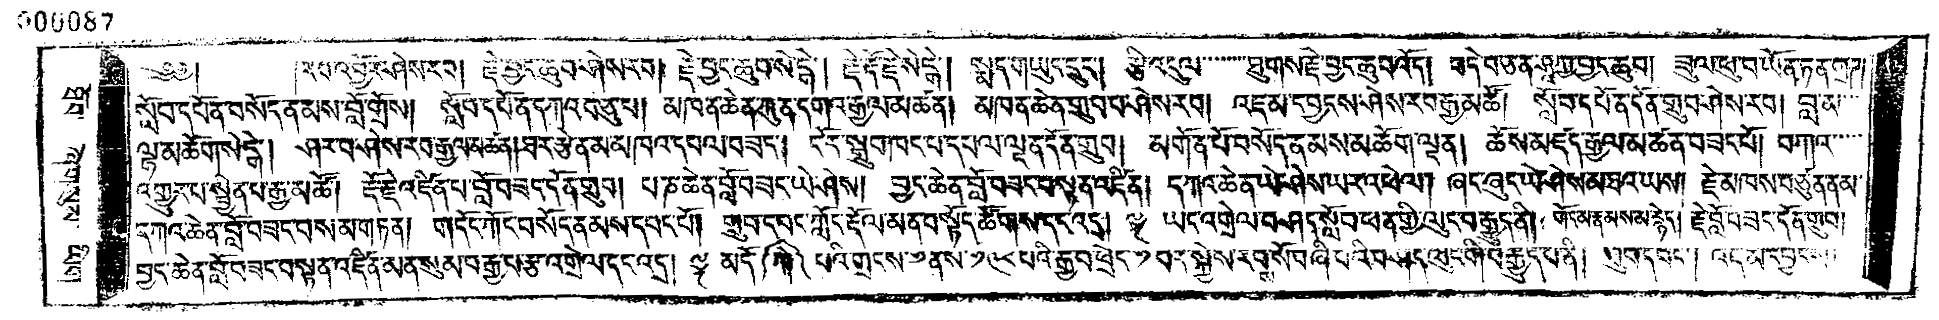༄༅། །རབ་འབྱོར་ཤེས་རབ། རྗེ་བྱང་ཆུབ་ཤེས་རབ། རྗེ་བྱང་ཆུབ་སེངྒེ། རྗེ་རྡོ་རྗེ་སེངྒེ། སྨད་གཡུང་དྲུང་། རྩི་འདུལ་ཐུགས་རྗེ་བྱང་ཆུབ་འོད། བདེ་བ་ཅན་ཤཱཀྱ་བྱང་ཆུབ། ཟུལ་ཕུ་བ་ཡོན་ཏན་གྲཌ།
སློབ་དཔོན་བསོད་ནམས་བློ་གྲོས། སློབ་དཔོན་དཀའ་བཅུ་པ། མཁན་ཆེན་ཀུན་དགའ་རྒྱལ་མཚན། མཁན་ཆེན་གྲུབ་པ་ཤེས་རབ། འཇམ་དབྱངས་ཤེས་རབ་རྒྱ་མཚོ། སློབ་དཔོན་དོན་གྲུབ་ཤེས་རབ། བླ་མ་
ལྷ་མཆོག་སེངྒེ། ཤར་བ་ཤེས་རབ་རྒྱལ་མཚན། ཐར་རྩེ་ནམ་མཁའ་དཔལ་བཟང་། ངོར་སྒྲུབ་ཁང་པ་དཔལ་ལྡན་དོན་གྲུབ། མགོན་པོ་བསོད་ནམས་མཆོག་ལྡན། ཆོས་མཛད་རྒྱལ་མཚན་བཟང་པོ། བཀའ་
འགྱུར་པ་སྦྱིན་པ་རྒྱ་མཚོ། རྡོ་རྗེ་འཛིན་པ་བློ་བཟང་དོན་གྲུབ། པཎ་ཆེན་བློ་བཟང་ཡེ་ཤེས། བྱང་ཆེན་བློ་བཟང་བསྟན་འཛིན། དཀའ་ཆེན་ཡེ་ཤེས་ཡར་འཕེལ། ཞང་ཞུང་ཡེ་ཤེས་མཐའ་ཡས། རྗེ་མཁས་བཙུན་ནམ་
དཀའ་ཆེན་བློ་བཟང་བསམ་གཏན། གདོང་ཀོང་བསོད་ནམས་དབང་པོ། གྲུབ་དབང་ཀློང་རྡོལ་མན་བསྟོད་ཚོགས་དང་འདྲ། ༈ ཡང་འགྲེལ་བཤད་སློབ་ཕན་གྱི་ལུང་བརྒྱུད་ནི། གོང་མ་རྣམས་མ་རྙེད།  རྗེ་བློ་བཟང་དོན་གྲུབ།
བྱང་ཆེན་བློ་བཟང་བསྟན་འཛིན་མན་སུམ་བརྒྱ་པ་རྩ་འགྲེལ་དང་འདྲ། ༈ མདོ ༼ཀེ༽ པའི་གྲངས ༡་ནས ༡༩༨་པའི་རྒྱ་བ་ཕྲེང ༡་བར་སྐྱེས་རབས་སོ་བཞི་པའི་བཤད་ལུང་གི་བརྒྱུད་པ་ནི། ཐུབ་དབང་། འཇམ་དབྱངས།